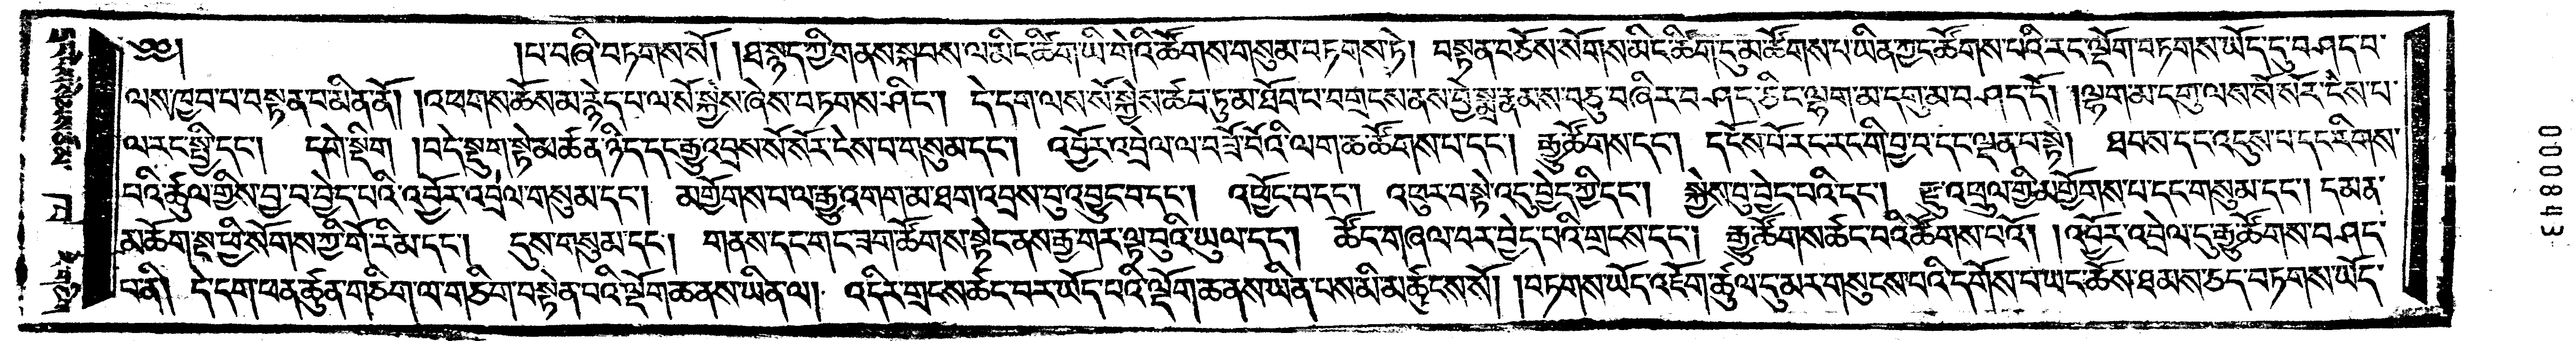༄༅། །པ་བཞི་བཏགས་སོ། །ཐ་སྙད་ཀྱི་གནས་སྐབས་ལ་མིང་ཚིག་ཡི་གེའི་ཚོགས་གསུམ་བཏགས་ཏེ། བསྟན་བཅོས་སོགས་མིང་ཚིག་དུ་མ་ཚོགས་པ་ཡིན་ཀྱང་ཚོགས་པའི་རང་ལྡོག་བཏགས་ཡོད་དུ་བཤད་པ་
ལས་ཁྱབ་པ་བསྟན་པ་མིན་ནོ། །འཕགས་ཆོས་མ་རྙེད་པ་ལ་སོ་སྐྱེས་ཞེས་བཏགས་ཤིང་། དེ་དག་ལས་སོ་སྐྱེས་ཚབ་ཏུ་མ་ཐོབ་པ་བགྲངས་ནས་བྱེ་སྨྲ་རྣམས་བཅུ་བཞིར་བཤད་ཅིང་ལྷག་མ་དགུ་མ་བཤད་དོ།། །ལྷག་མ་དགུ་ལས་སོ་སོར་ངེས་
ལ་རང་སྤྱི་དང་། དགེ་སྡིག །བདེ་སྡུག་སྟེ་མཚན་ཉིད་དང་རྒྱུ་འབྲས་སོ་སོར་ངེས་པ་གསུམ་དང་། འབྱོར་འབྲེལ་ལ་བཟོ་བོའི་ལག་ཆ་ཚོགས་པ་དང་། རྒྱུ་ཚོགས་དང་། དངོས་པོ་རང་རང་གི་བྱ་བ་དང་ལྡན་པ་སྟེ། ཐབས་དང་འདུས་པ་དང་རིགས་
པའི་ཚུལ་གྱིས་བྱ་བ་བྱེད་པའི་འབྱོར་འབྲེལ་གསུམ་དང་། མགྱོགས་པ་ལ་རྒྱུ་འགག་མ་ཐག་འབྲས་བུ་འབྱུང་བ་དང་། འཕྱོང་བ་དང་། འཕུར་བ་སྟེ་འདུ་བྱེད་ཀྱི་དང་། སྐྱེས་བུ་བྱེད་པའི་དང་། རྫུ་འཕྲུལ་གྱི་མགྱོགས་པ་དང་གསུམ་དང་། དམན་
མཆོག་སྔ་ཕྱི་སོགས་ཀྱི་གོ་རིམ་དང་། དུས་གསུམ་དང་། གནས་དང་གང་ཟག་ཚོགས་སྟེང་ནས་རྒྱ་གར་ལྟ་བུའི་ཡུལ་དང་། ཚོང་གཞལ་བར་བྱེད་པའི་གྲངས་དང་། རྒྱུ་ཚོགས་ཚང་བའི་ཚོགས་པའོ།། །འབྱོར་འབྲེལ་དུ་རྒྱུ་ཚོགས་བཤད་
པ་ནི། དེ་དག་ཕན་ཚུན་གཅིག་ལ་གཅིག་བསྟེན་པའི་ལྡོག་ཆ་ནས་ཡིན་ལ། འདིར་གྲངས་ཚང་བར་ཡོད་པའི་ལྡོག་ཆ་ནས་ཡིན་པས་མི་མཚུངས་སོ། །བཏགས་ཡོད་འཇོག་ཚུལ་དུ་མར་གསུངས་པའི་དགོས་པ་ཡང་ཆོས་ཐམས་ཅད་བཏགས་ཡོད་